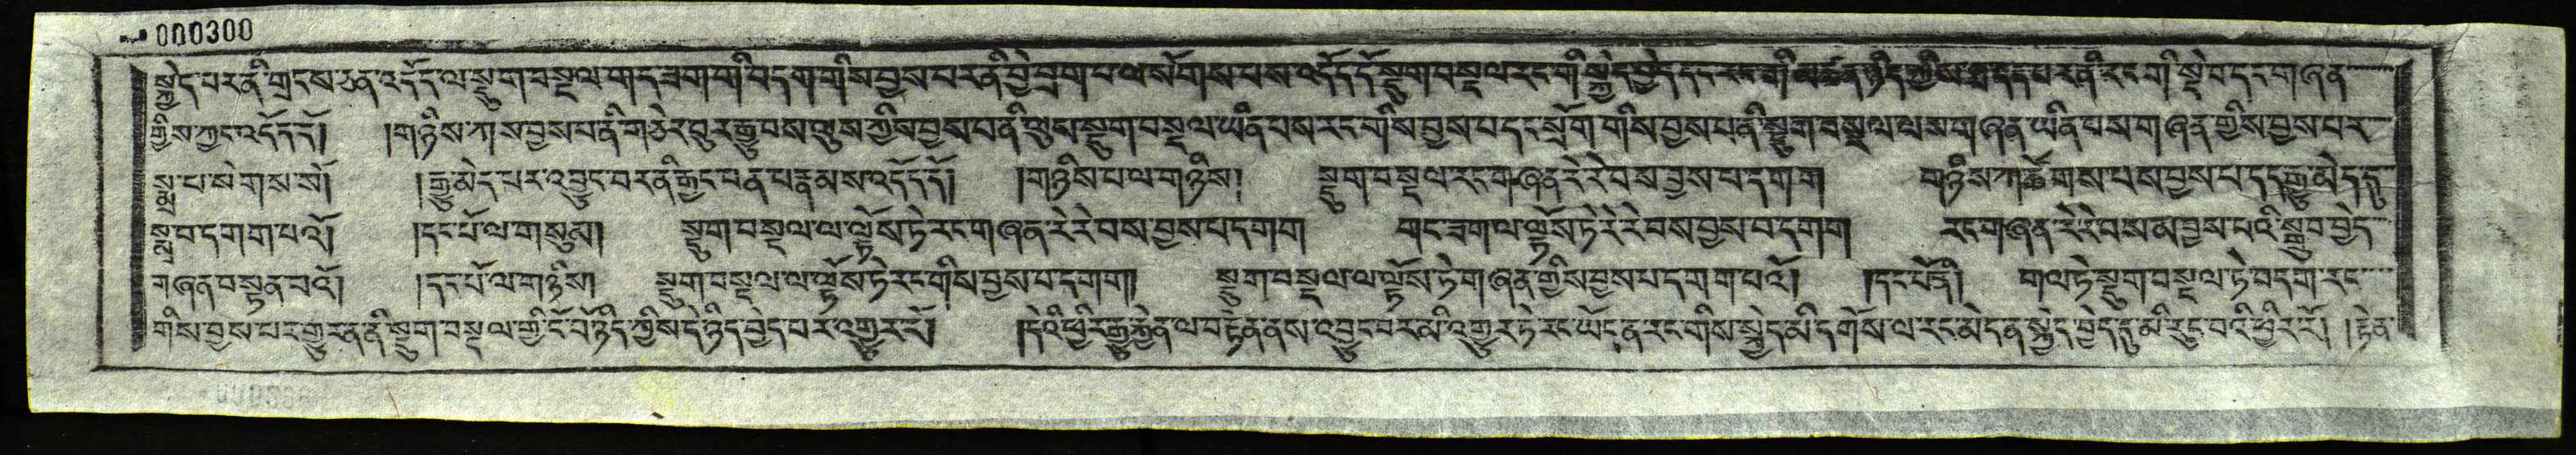སྐྱེད་པར་ནི་གྲངས་ཅན་འདོད་ལ་སྡུག་བསྔལ་གང་ཟག་གི་བདག་གིས་བྱས་པར་ནི་བྱེ་བྲག་པ་ལ་སོགས་པས་འདོད་དོ་སྡུག་བསྔལ་རང་གི་སྐྱེད་བྱེད་དང་རང་གི་མཚན་ཉིད་ཀྱིས་ཐ་དད་པར་ནི་རང་གི་སྡེ་བ་དང་གཞན་
གྱིས་ཀྱང་འདོད་དོ། །གཉིས་ཀས་བྱས་པ་ནི་གཅེར་བུར་རྒྱུ་བས་ལུས་ཀྱིས་བྱས་པ་ནི་ལུས་སྡུག་བསྔལ་ཡིན་པས་རང་གིས་བྱས་པ་དང་སྲོག་གིས་བྱས་པ་ནི་སྡུག་བསྔལ་ལས་གཞན་ཡིན་པས་གཞན་གྱིས་བྱས་པར་
སྨྲ་པ་སོགས་སོ། །རྒྱུ་མེད་པར་འབྱུང་བར་ནི་རྒྱང་པན་པ་རྣམས་འདོད་དོ། །གཉིས་པ་ལ་གཉིས། སྡུག་བསྔལ་རང་གཞན་རེ་རེ་བས་བྱས་པ་དགག་གཉིས་ཀ་ཚོགས་པས་བྱས་པ་དད་རྒྱུ་མེད་དུ་
སྨྲ་བ་དགག་པའོ། །དང་པོ་ལ་གསུམ། སྡུག་བསྔལ་ལ་ལྟོས་ཏེ་རང་གཞན་རེ་རེ་བས་བྱས་པ་དགག་གང་ཟག་ལ་ལྟོས་ཏེ་རེ་རེ་བས་བྱས་པ་དགག་རང་གཞན་རེ་རེ་བས་མ་བྱས་པའི་སྒྲུབ་བྱེད་
གཞན་བསྟན་པའོ། །དང་པོ་ལ་གཉིས། སྡུག་བསྔལ་ལ་ལྟོས་ཏེ་རང་གིས་བྱས་པ་དགག། སྡུག་བསྔལ་ལ་ལྟོས་ཏེ་གཞན་གྱིས་བྱས་པ་དགག་པའོ། །དང་པོ་ནི། གལ་ཏེ་སྡུག་བསྔལ་ཏེ་བདག་རང་
གིས་བྱས་པར་གྱུར་ན་ནི་སྡུག་བསྔལ་གྱི་ངོ་བོ་ཉིད་ཀྱིས་དེ་ཉིད་བྱེད་པར་འགྱུར་རོ། །དེའི་ཕྱིར་རྒྱུ་རྐྱེན་ལ་བརྟེན་ནས་འབྱུང་བར་མི་འགྱུར་ཏེ་རང་ཡོད་ན་རང་གིས་སྐྱེད་མི་དགོས་ལ་རང་མེད་ན་སྐྱེད་བྱེད་དུ་མི་རུང་བའི་ཕྱིར་རོ། །རྟེན་